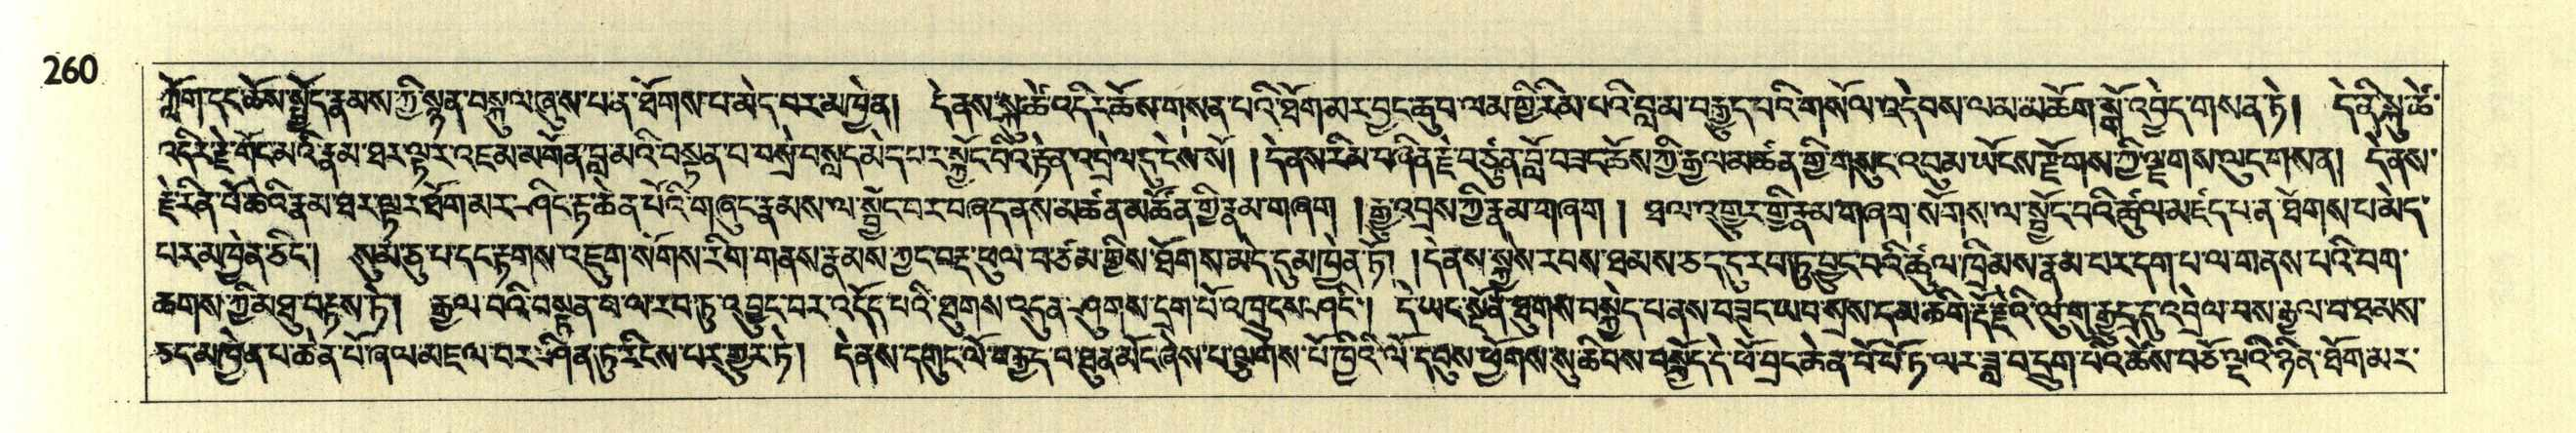ཀློག་དང་ཆོས་སྤྱོད་རྣམས་ཀྱི་སྙན་བསྐུལ་ཞུས་པ་ན་ཐོགས་པ་མེད་བར་མཁྱེན། དེ་ནས་སྐུ་ཚེ་འདིར་ཆོས་གསན་པའི་ཐོག་མར་བྱང་ཆུབ་ལམ་གྱི་རིམ་པའི་བླ་མ་བརྒྱུད་པའི་གསོལ་འདེབས་ལམ་མཆོག་སྒོ་འབྱེད་གསན་ཏེ། དེ་ནི་སྐུ་ཚེ་
འདིར་རྗེ་གོང་མའི་རྣམ་ཐར་ལྟར་འཇམ་མགོན་བླ་མའི་བསྟན་པ་བསྲེ་བསླད་མེད་པར་སྐྱོང་བའི་རྟེན་འབྲེལ་དུ་ངེས་སོ། །དེ་ནས་རིམ་བཞིན་རྗེ་བཙུན་བློ་བཟང་ཆོས་ཀྱི་རྒྱལ་མཚན་གྱི་གསུང་འབུམ་ཡོངས་རྫོགས་ཀྱི་ལྗགས་ལུང་གསན། དེ་ནས་
རྗེ་རིན་པོ་ཆེའི་རྣམ་ཐར་ལྟར་ཐོག་མར་ཤིང་རྟ་ཆེན་པོའི་གཞུང་རྣམས་ལ་སྦྱོང་བར་བཞད་ནས་མཚན་མཚོན་གྱི་རྣམ་གཞག །རྒྱུ་འབྲས་ཀྱི་རྣམ་གཞག། ཐལ་འགྱུར་གྱི་རྣམ་གཞག་སོགས་ལ་སྦྱོང་བའི་ཚུལ་མཛད་པ་ན་ཐོགས་པ་མེད་
པར་མཁྱེན་ཅིང་། སུམ་ཅུ་པ་དང་རྟགས་འཇུག་སོགས་རིག་གནས་རྣམས་ཀྱང་བརྡ་ཕུལ་བ་ཙམ་གྱིས་ཐོགས་མེད་དུ་མཁྱེན་ཏོ། །དེ་ནས་སྐྱེས་རབས་ཐམས་ཅད་དུ་རབ་ཏུ་བྱུང་བའི་ཚུལ་ཁྲིམས་རྣམ་པར་དག་པ་ལ་གནས་པའི་བག་
ཆགས་ཀྱི་མཐུ་བརྟས་ཏེ། རྒྱལ་བའི་བསྟན་བ་ལ་རབ་ཏུ་འབྱུང་བར་འདོད་པའི་ཐུགས་འདུན་ཤུགས་དྲག་པོ་འཁྲུངས་ཤིང་། དེ་ཡང་སྔོན་ཐུགས་བསྐྱེད་པ་ནས་བཟུང་ཡབ་སྲས་དམ་ཚིག་རྡོ་རྗེའི་ལུ་གུ་རྒྱུད་དུ་འབྲེལ་བས་རྒྱལ་བ་ཐམས་
ཅད་མཁྱེན་པ་ཆེན་པོ་ཞལ་མཇལ་བར་ཤིན་ཏུ་རིངས་པར་གྱུར་ཏེ། དེ་ནས་དགུང་ལོ་བརྒྱད་བ་ཐུན་མོང་ཞེས་པ་ལྕགས་པོ་ཁྱིའི་ལོ་དབུས་ཕྱོགས་སུ་ཆིབས་བསྐྱོད་དེ་ཕོ་བྲང་ཆེན་པོ་པོ་ཏ་ལར་ཟླ་བ་དྲུག་པའི་ཚེས་བཅོ་ལྔའི་ཉིན་ཐོག་མར་